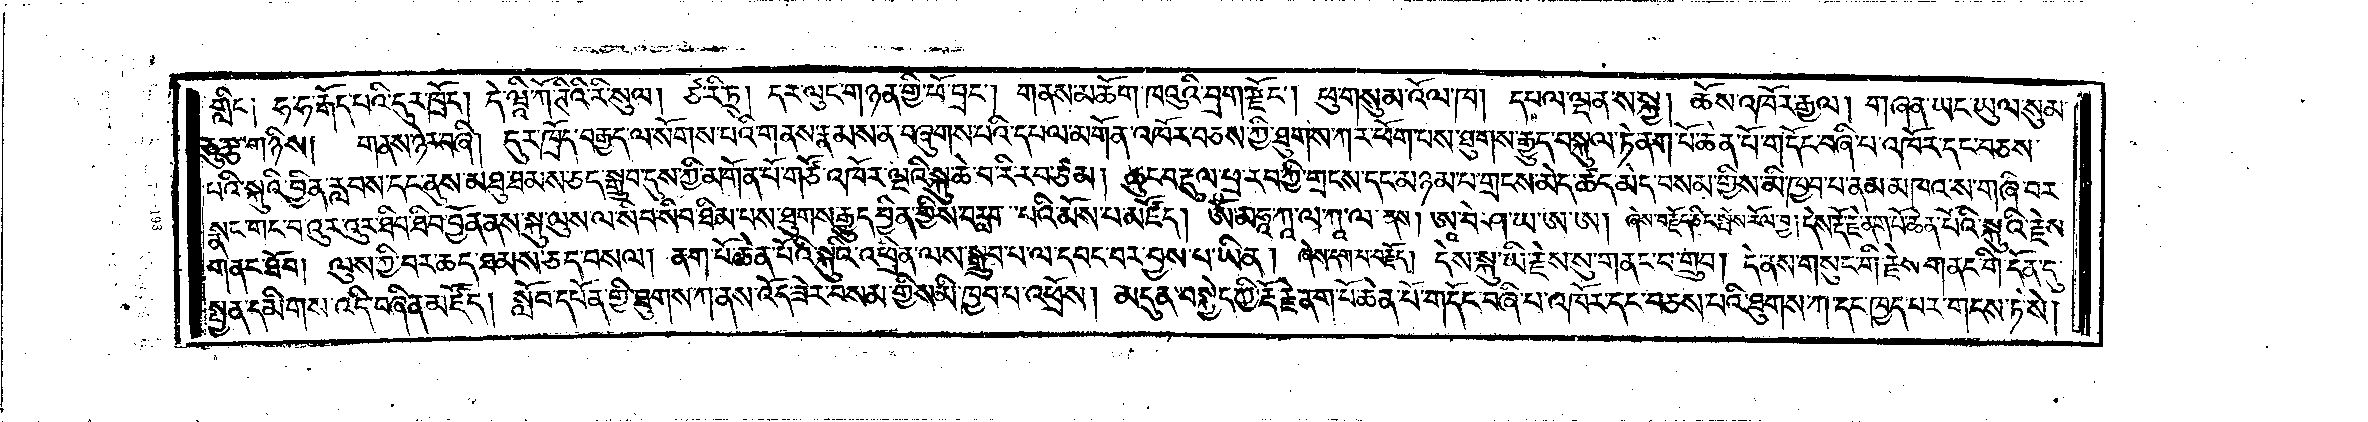གླིང༑ ཧ་ཧ་རྒོད་པའི་དུར་ཁྲོད། དེ་ཝཱི་ཀོ་ཊིའི་རི་སུལ། ཙ་རི་ཏྲ། དར་ལུང་གཉན་གྱི་ཕོ་བྲང་། གནས་མཆོག་ཁཱུའི་བྲག་རྫོང་། ཕུ་གསུམ་འོལ་ཁ། དཔལ་ལྡན་ས་སྐྱ། ཆོས་འཁོར་རྒྱལ། གཞན་ཡང་ཡུལ་སུམ་
ཅུ་རྩ་གཉིས༑ གནས་ཉེར་བཞི། དུར་ཁྲོད་བརྒྱད་ལ་སོགས་པའི་གནས་རྣམས་ན་བཞུགས་པའི་དཔལ་མགོན་འཁོར་བཅས་ཀྱི་ཐུགས་ཀར་ཕོག་པས་ཐུགས་རྒྱུད་བསྐུལ་ཏེ་ནག་པོ་ཆེན་པོ་གདོང་བཞི་པ་འཁོར་དང་བཅས་
པའི་སྐུའི་བྱིན་རླབས་དང་ནུས་མཐུ་ཐམས་ཅད་སྒྲུབ་དུས་ཀྱི་མགོན་པོ་གཙོ་འཁོར་ལྔའི་སྐུ་ཆེ་བ་རི་རབ་ཙམ། ཆུང་བ་རྡུལ་ཕྲ་རབ་ཀྱི་གྲངས་དང་མཉམ་པ་གྲངས་མེད་ཚད་མེད་བསམ་གྱིས་མི་ཁྱབ་པ་ནམ་མཁའ་ས་གཞི་བར་
སྣང་གང་པ་འུར་འུར་ཐིབ་ཐིབ་བྱོན་ནས་སྐུ་ལུས་ལ་སིབ་སིབ་ཐིམ་པས་ཐུགས་རྒྱུད་བྱིན་གྱིས་བརླབ་པའི་མོས་པ་མཛོད། ཨོཾ་མཧཱ་ཀཱ་ལ་ཀཱ་ལ་ནས། ཨཱ་བེ་ཤ་ཡ་ཨ་ཨ། ཞེས་བརྗོད་ཅིང་སྤོས་རོལ་བྱ།  དེས་རྡོ་རྗེ་ནག་པོ་ཆེན་པོའི་སྐུའི་རྗེས་
གནང་ཐོབ། ལུས་ཀྱི་བར་ཆད་ཐམས་ཅད་བསལ། ནག་པོ་ཆེན་པོའི་སྐུའི་འཕྲིན་ལས་སྒྲུབ་པ་ལ་དབང་བར་བྱས་པ་ཡིན། ཞེས་དག་པ་བརྗོད།  དེས་སྐུ་ཡི་རྗེས་སུ་གནང་བ་གྲུབ། དེ་ནས་གསུང་གི་རྗེས་གནང་གི་དོན་དུ་
སྤྱན་དམིགས་འདི་བཞིན་མཛོད། སློབ་དཔོན་གྱི་ཐུགས་ཀ་ནས་འོད་ཟེར་བསམ་གྱིས་མི་ཁྱབ་པ་འཕྲོས། མདུན་བསྐྱེད་ཀྱི་རྡོ་རྗེ་ནག་པོ་ཆེན་པོ་གདོང་བཞི་པ་འཁོར་དང་བཅས་པའི་ཐུགས་ཀ་དང་ཁྱད་པར་གངས་ཏེ་སོ།